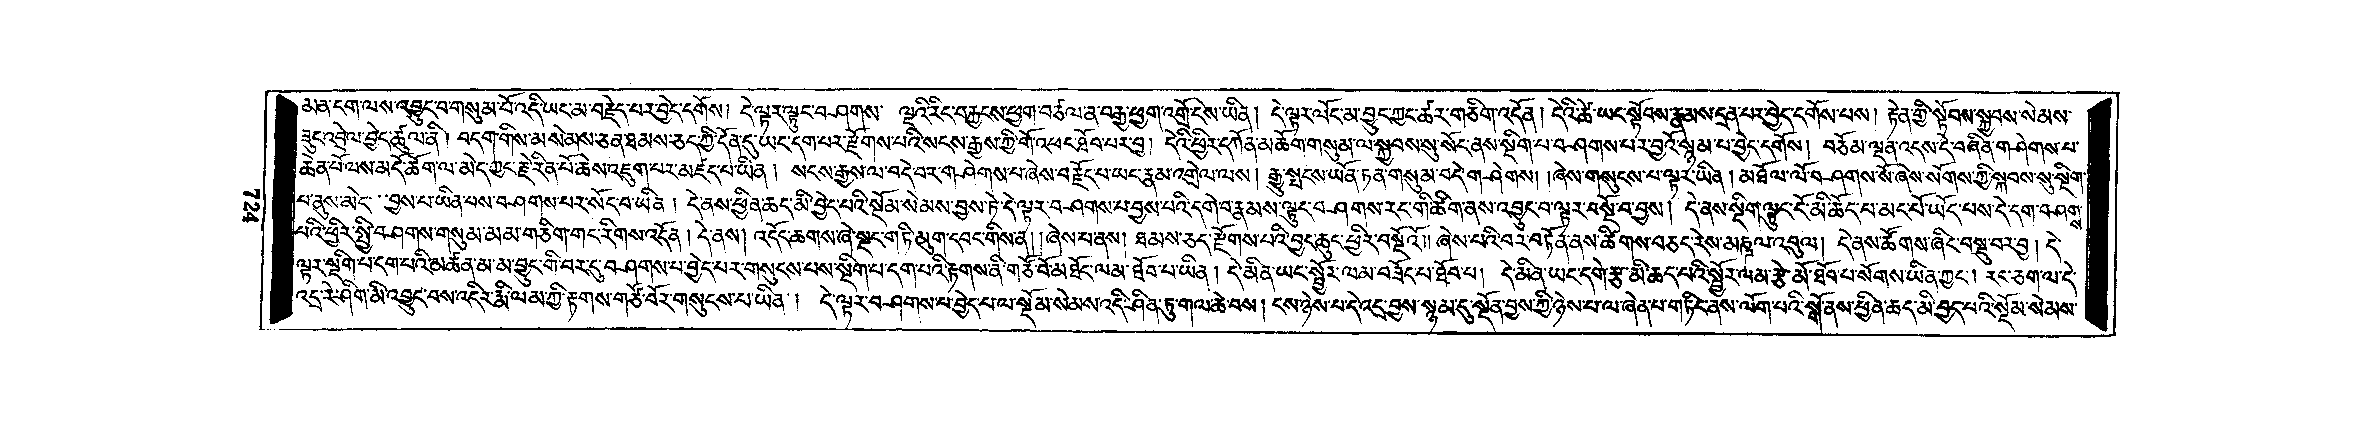མན་ངག་ལས་འབྱུང་བ་གསུམ་པོ་འདི་ཡང་མ་བརྗེད་པར་བྱེད་དགོས། དེ་ལྟར་ལྟུང་བཤགས་ལྔའི་རིང་བརྐྱངས་ཕྱག་བཙལ་ན་བརྒྱ་ཕྱག་འགྲོ་ངེས་ཡིན། དེ་ལྟར་ལོང་མ་བྱུང་ཀྱང་ཚར་གཅིག་འདོན། དེའི་ཚེ་ཡང་སྟོབས་རྣམས་དྲན་པར་བྱེད་དགོས་པས། རྟེན་གྱི་སྟོབས་སྐྱབས་སེམས་
ཟུང་འབྲེལ་བྱེད་ཚུལ་ནི། བདག་གིས་མ་སེམས་ཅན་ཐམས་ཅད་ཀྱི་དོན་དུ་ཡང་དག་པར་རྫོགས་པའི་སངས་རྒྱས་ཀྱི་གོ་འཕང་ཐོབ་པར་བྱ། དེའི་ཕྱིར་དཀོན་མཆོག་གསུམ་ལ་སྐྱབས་སུ་སོང་ནས་སྡིག་པ་བཤགས་པར་བྱའོ་སྙམ་པ་བྱེད་དགོས། བཅོམ་ལྡན་འདས་དེ་བཞིན་གཤེགས་པ་
ཆེན་པོ་ལས་མདོ་ཆོག་ལ་མེད་ཀྱང་རྗེ་རིན་པོ་ཆེས་འཇུག་པར་མཛད་པ་ཡིན། སངས་རྒྱས་ལ་བདེ་བར་གཤེགས་པ་ཞེས་བརྗོད་པ་ཡང་རྣམ་འགྲེལ་ལས། རྒྱུ་སྤངས་ཡོན་ཏན་གསུམ་བདེ་གཤེགས། །ཞེས་གསུངས་པ་ལྟར་ཡིན། མཐོལ་ལོ་བཤགས་སོ་ཞེས་སོགས་ཀྱི་སྐབས་སུ་སྡིག་
པ་ནུས་མེད་བྱས་པ་ཡིན་པས་བཤགས་པར་སོང་བ་ཡིན། དེ་ནས་ཕྱིན་ཆད་མི་བྱེད་པའི་སྡོམ་སེམས་བྱས་ཏེ་དེ་ལྟར་བཤགས་པ་བྱས་པའི་དགེ་བ་རྣམས་ལྟུང་བཤགས་རང་གི་ཚིག་ནས་འབྱུང་བ་ལྟར་བསྔོ་བ་བྱས། དེ་ནས་སྡིག་ལྟུང་ངོ་མི་ཆོད་པ་མང་པོ་ཡོད་པས་དེ་དག་བཤགས་
པའི་ཕྱིར་སྤྱི་བཤགས་གསུམ་མམ་གཅིག་གང་རིགས་འདོན། དེ་ནས། འདོད་ཆགས་ཞེ་སྡང་གཏི་མུག་དབང་གིས་ན། །ཞེས་པ་ནས། ཐམས་ཅད་རྫོགས་པའི་བྱང་ཆུབ་ཕྱིར་བསྔོའོ། །ཞེས་པའི་བར་བཏོན་ནས་ཚིགས་བཅད་རེས་མཎྜལ་འབུལ། དེ་ནས་ཚོགས་ཞིང་བསྡུ་བར་བྱ། དེ་
ལྟར་སྡིག་པ་དག་པའི་མཚན་མ་མ་བྱུང་གི་བར་དུ་བཤགས་པ་བྱེད་པར་གསུངས་པས་སྡིག་པ་དག་པའི་རྟགས་ནི་གཙོ་བོ་མཐོང་ལམ་ཐོབ་པ་ཡིན། དེ་མིན་ཡང་སྦྱོར་ལམ་བཟོད་པ་ཐོབ་པ། དེ་མིན་ཡང་དགེ་རྩ་མི་ཆད་པའི་སྦྱོར་ལམ་རྩེ་མོ་ཐོབ་པ་སོགས་ཡིན་ཀྱང་། རང་ཅག་ལ་དེ་
འདྲ་རེ་ཤིག་མི་འབྱུང་བས་འདིར་རྨི་ལམ་ཀྱི་རྟགས་གཙོ་བོར་གསུངས་པ་ཡིན། དེ་ལྟར་བཤགས་པ་བྱེད་པ་ལ་སྡོམ་སེམས་འདི་ཤིན་ཏུ་གལ་ཆེ་བས། ངས་ཉེས་པ་དེ་འདྲ་བྱས་སྙམ་དུ་སྡོན་བྱས་ཀྱི་ཉེས་པ་ལ་ཞེན་པ་གཏིང་ནས་ལོག་པའི་སྒོ་ནས་ཕྱིན་ཆད་མི་བྱད་པའི་སྡོམ་སེམས་